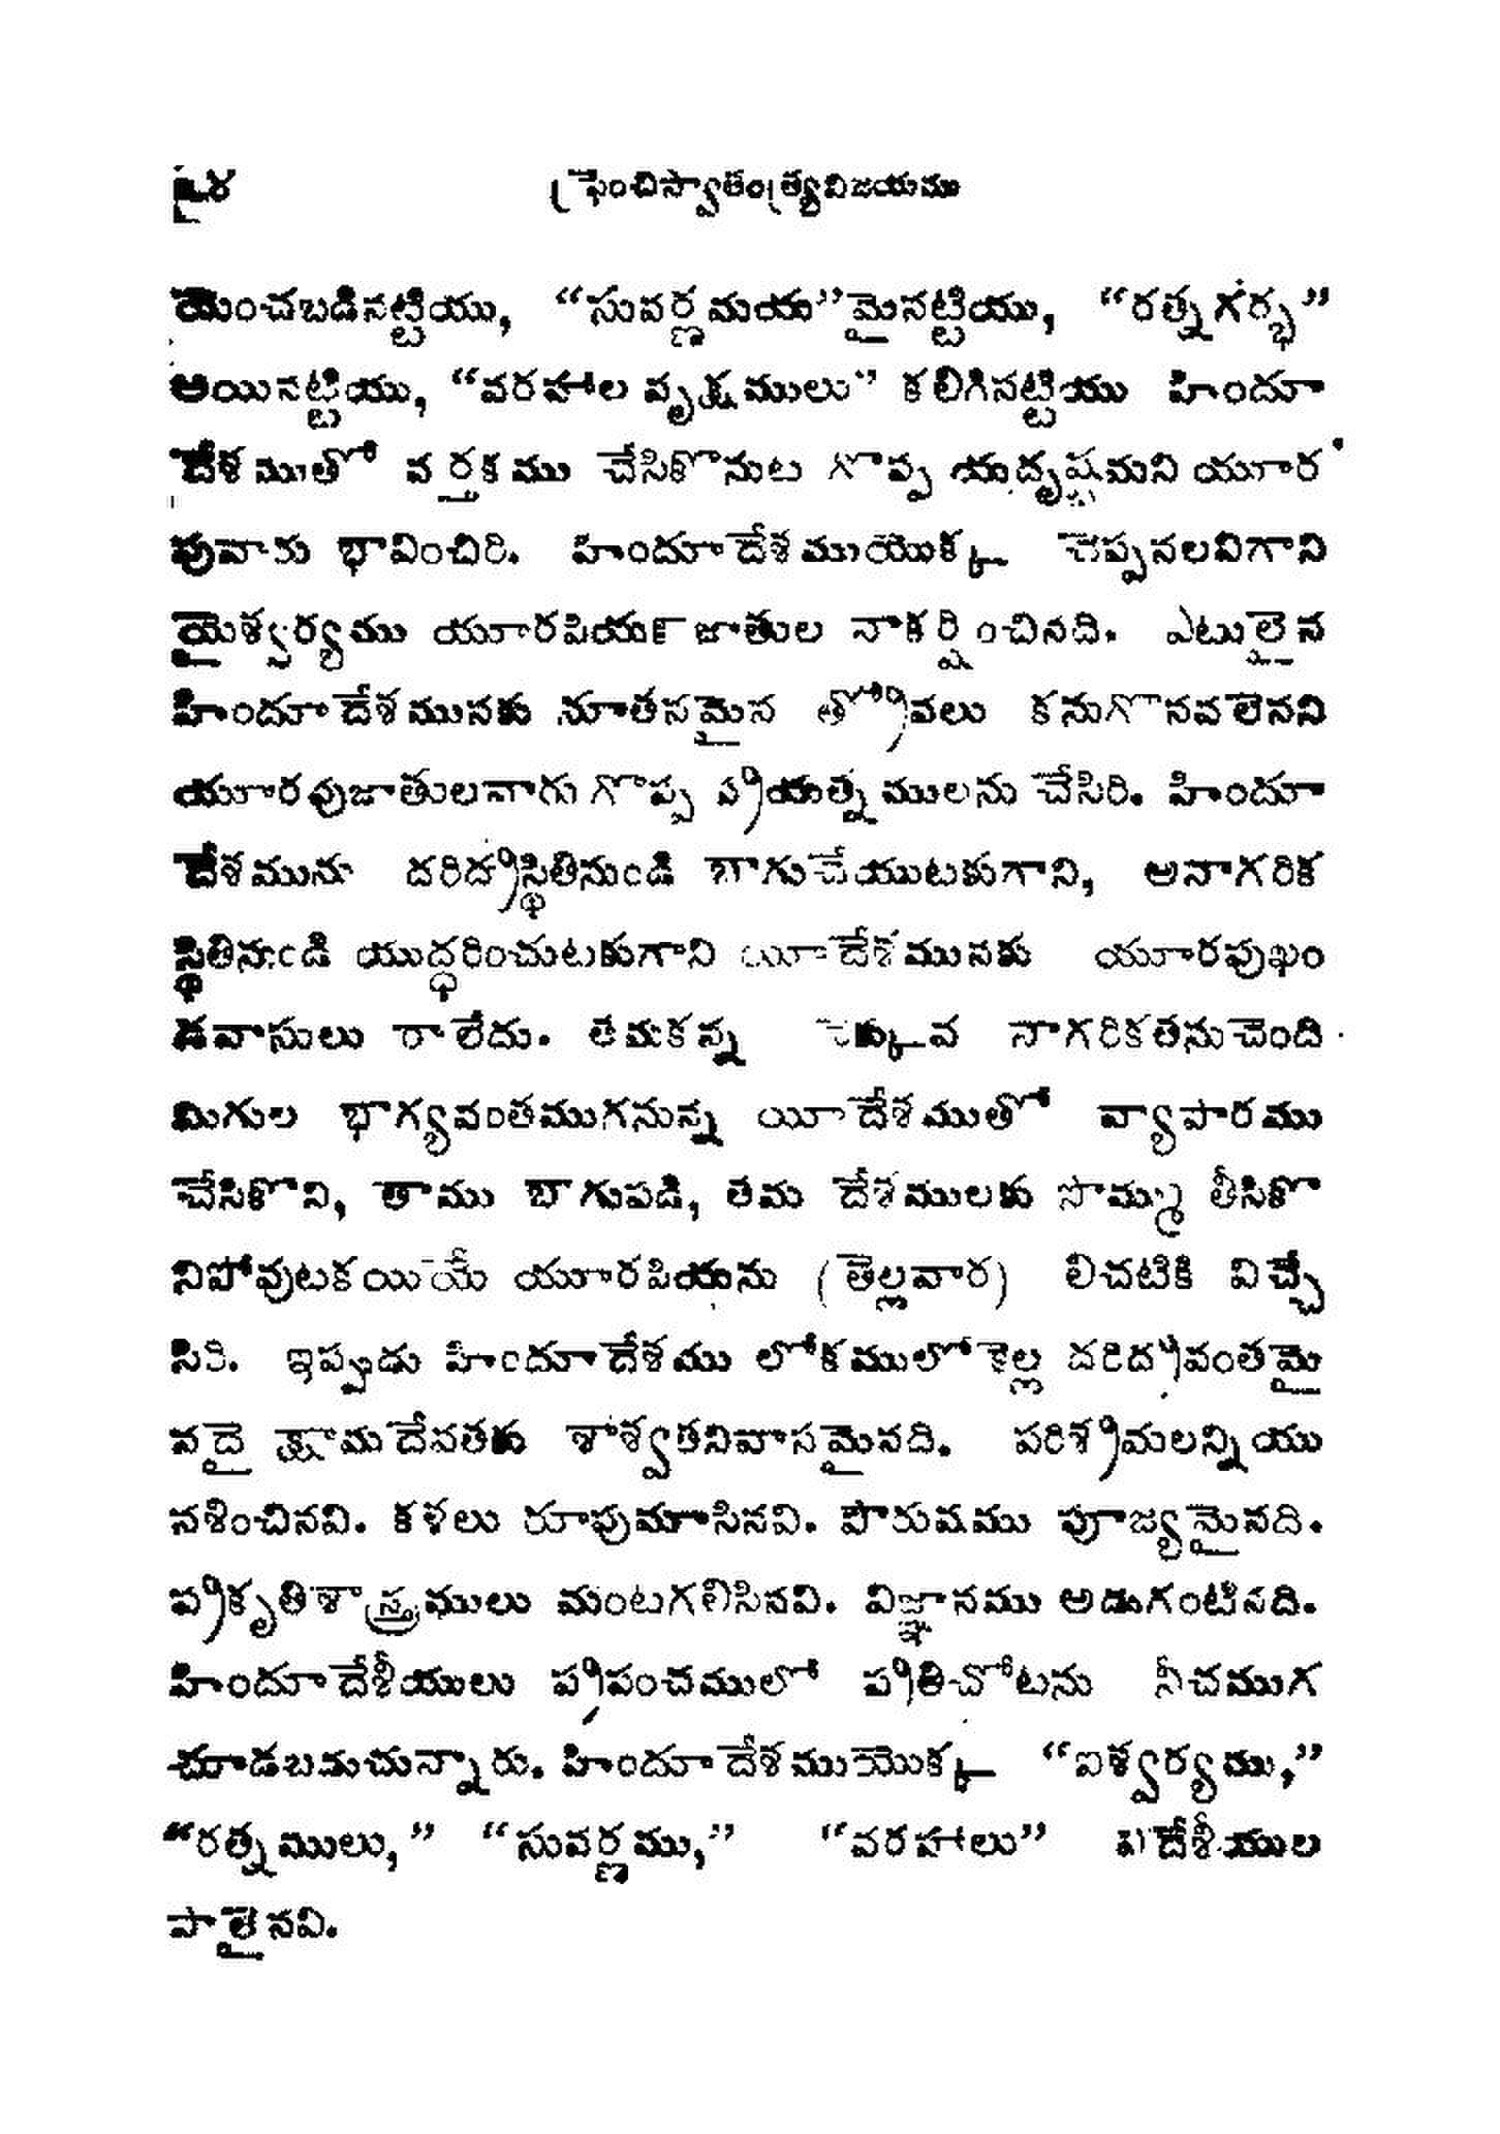యెంచబడినట్టియు, "సువర్ణమయ " మైనట్టియు, "రత్నగర్భ"
ఆయినట్టియు, "వరహాల వృక్షములు" కలిగినట్టియు హిందూ
దేశముతో వర్తకము చేసికొనుట గొప్ప మదృష్టమని యూర'
పునాను భావించిరి. హిందూదేశము యొక్క చెప్పనలవిగాని
యైశ్వర్యయు యూరపియ జతుల నాకర్షించినది, ఎటులైన
హిందూ దేశమునకు నూతనమైన తోవలు కనుగొనవ లేనని
యూర పుజాతులవారు గొప్ప ప్రయత్నములను చేసిరి. హిందూ
దేశమును దరిద్రస్థితి నుండి బాగు చేయుటకుగాని, అనాగరిక
స్థితినండి యుద్ధరించుటకుగాని ఈదేశ మునకు
యూరపుఖండవాసులు రాలేదు. తేమకన్న ఎక్కువ నాగరికతను చెంది .
మిగుల భాగ్యవంతముగనున్న యీ దేశముతో వ్యాపారము
చేసికొని, తాము బాగుపడి, తమ దేశములకు సొమ్ము తీసికొ
నిపోవుటకయియే యూరపియను ( తెల్లవార) లిచటికి విచ్చే
సిరి. ఇప్పుడు హిందూదేశము లోకములో కెల్ల దరిద్ర వంతమై
నదై క్షామ దేవతకు శాశ్వతనివాసమైనది. పరిశ్రమలన్నియు
నశించినవి. కళలు రూపుమాసినవి. పౌరుషము పూజ్యమైనది .
ప్రకృతి శాస్త్రములు మంటగలిసినవి. విజ్ఞానము అడుగంటినది.
హిందూ దేశీయులు ప్రపంచములో ప్రతిచోటను నీచముగ
చూడబడుచున్నారు. హిందూ దేశము యొక్క "ఐశ్వర్యము,”
“రత్నములు, " "సువర్ణము," వరహాలు" విదేశీయుల పాలైనవి.